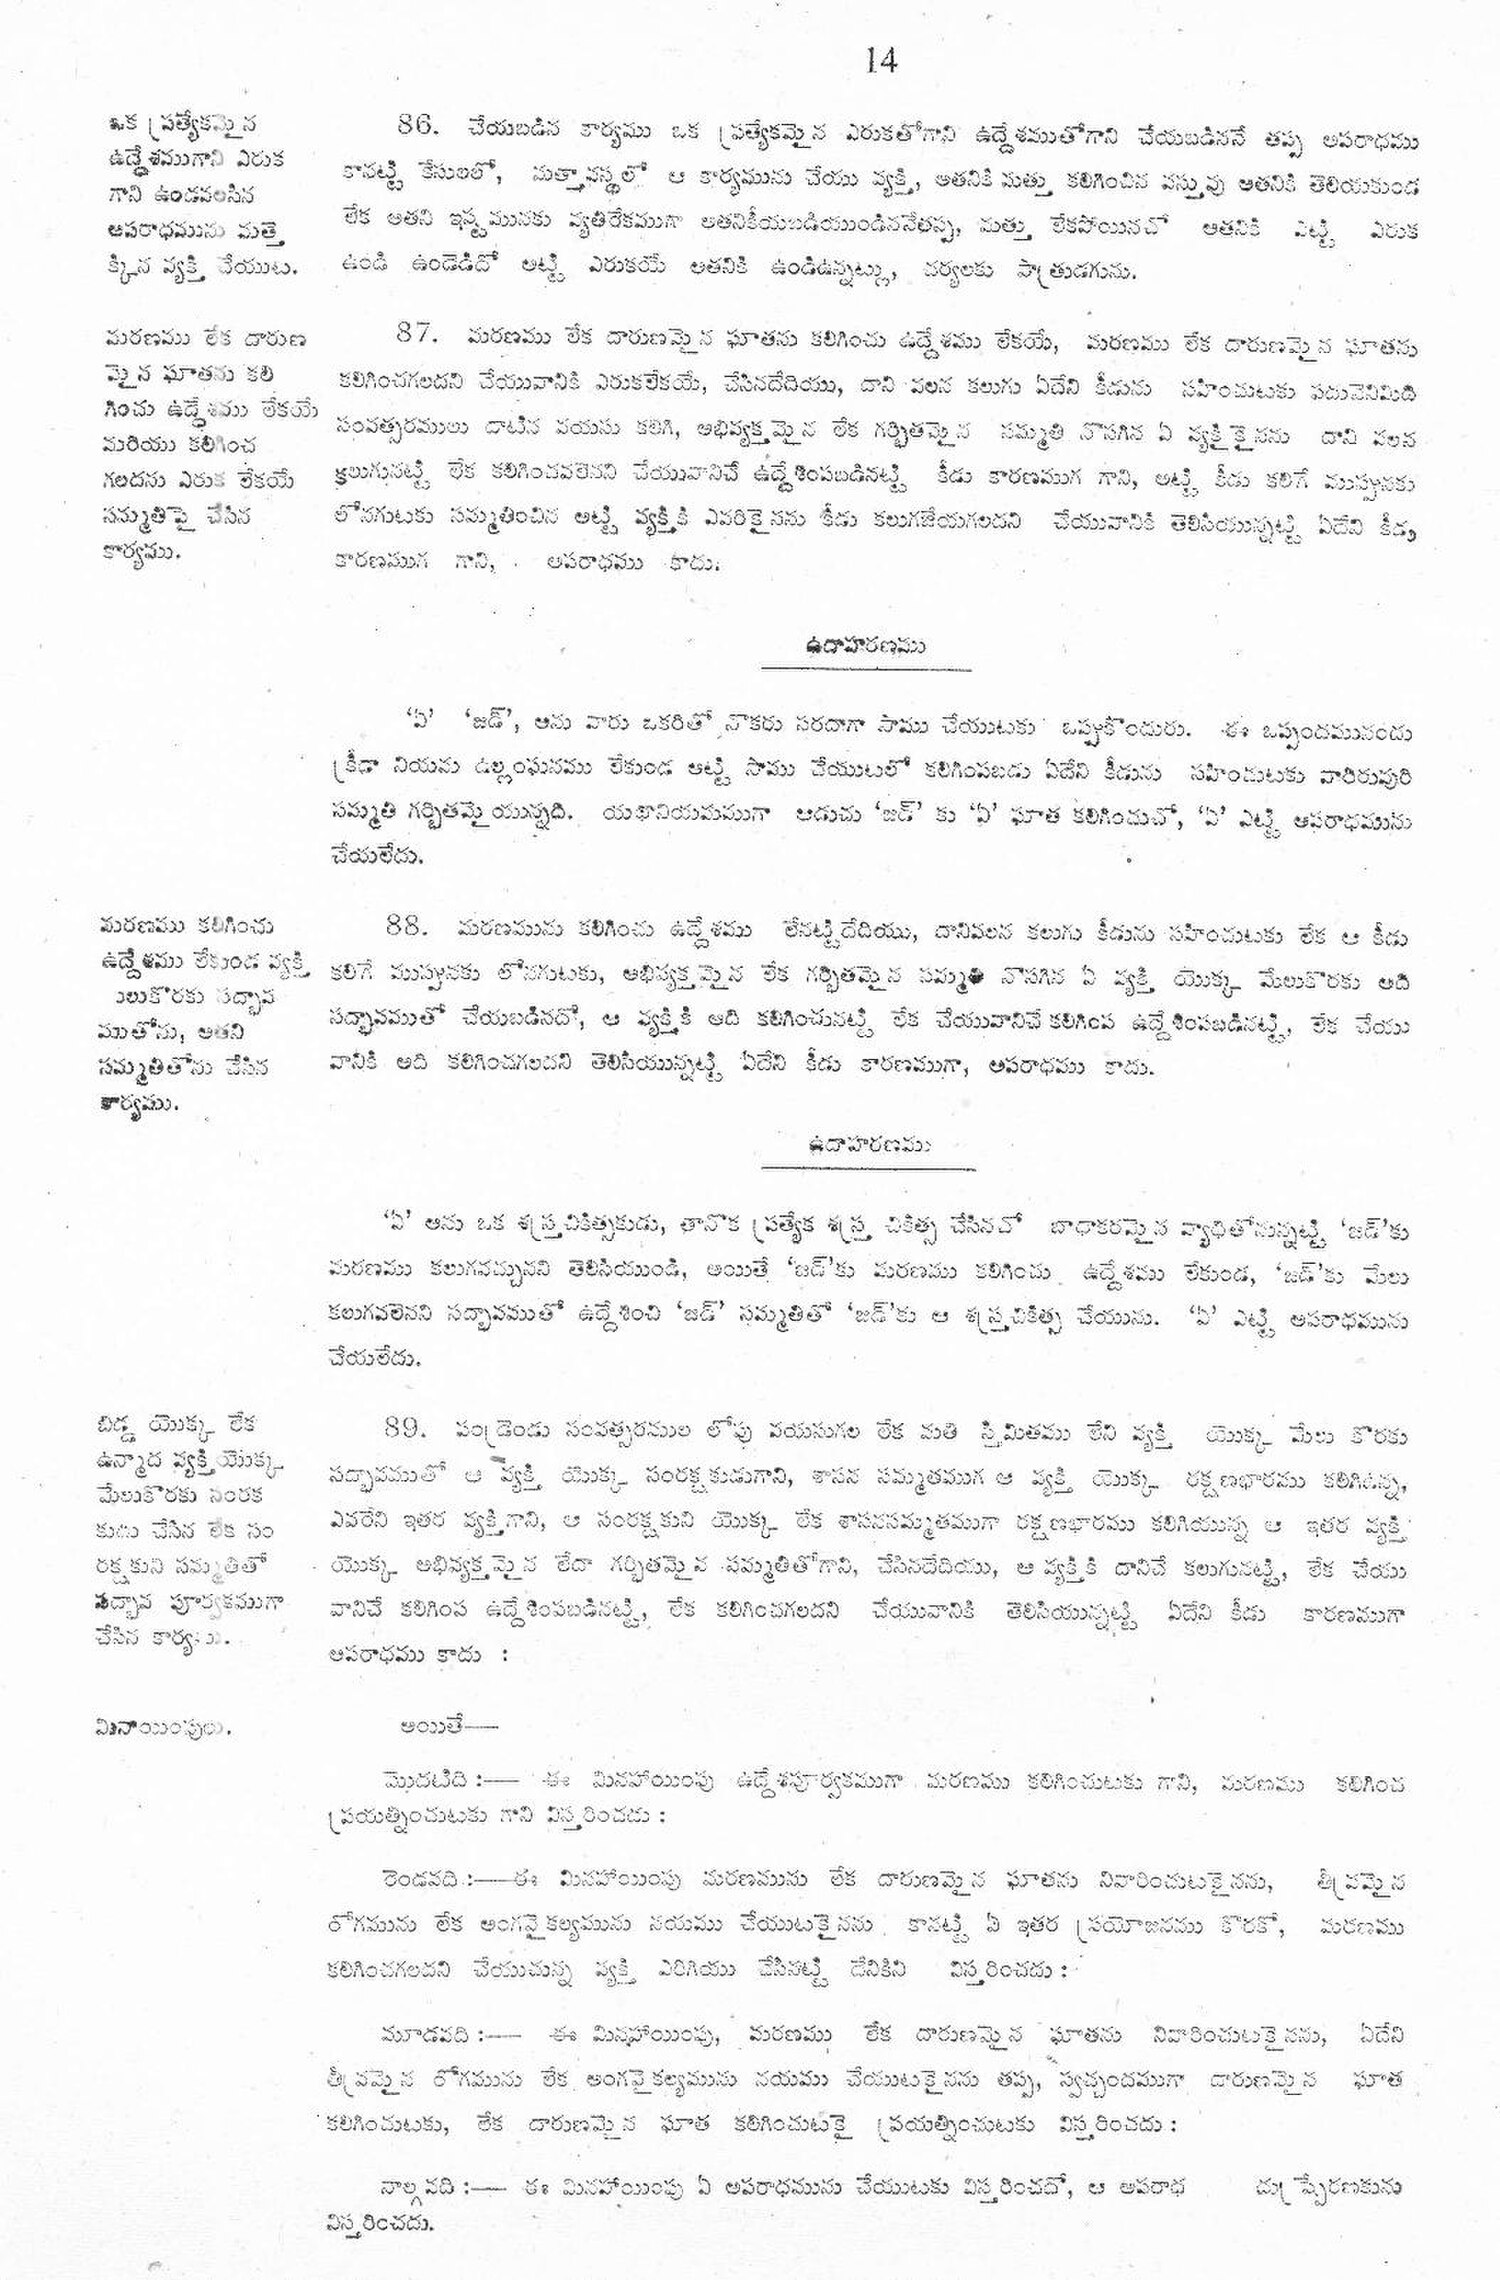ఒక ప్రత్యేకమైన ఉద్దేశముగాని ఎరుక గాని ఉండవలసిన అపరాధమును మత్తెక్కిన వ్యక్తి చేయుట.

86. చేయబడిన కార్యము ఒక ప్రత్యేకమైన ఎరుకతోగాని ఉద్దేశముతోగాని చేయబడిననే తప్ప అపరాధము కానట్టి కేసులలో, సుత్తావస్థలో ఆ కార్యమును చేయు వ్యక్తి , అతనికి మత్తు కలిగించిన వస్తువు అతనికి తెలియకుండ లేక అతని ఇష్టమునకు వ్యతిరేకముగా అతనికీయబడియుండిన నేతప్ప, మత్తు లేకపోయినచో అతనికి ఎట్టి ఎరుక ఉండి ఉండెడిదో అట్టి ఎరుకయే అతనికి ఉండిఉన్నట్లు, చర్యలకు పాత్రుడగును.

మరణము లేక దారుణమైన ఘాతను కలిగించు ఉద్దేశము లేకయే మరియు కలిగించ గలదను ఎరుక లేకయే సమ్మతిపై చేసిన కార్యము.

87. మరణము లేక దారుణమైన ఘాతను కలిగించు ఉద్దేశము లేకయే, మరణము లేక దారుణమైన ఘాతను
కలిగించగలదని చేయువానికి ఎరుక లేకయే, చేసినదేదియు, దాని వలన కలుగు ఏదేని కీడును సహించుటకు పదునెనిమిది సంవత్సరములు దాటిన వయసు కలిగి, అభివ్యక్తమైన లేక గర్భితమైన సమ్మతి నొసగిన ఏ వ్యక్తి కైనను దాని వలన కలుగునట్టి లేక కలిగించవలెనని చేయువానిచే ఉద్దేశింపబడినట్టి కీడు కారణముగా గాని, అట్టి కీడు కలిగే ముప్పునకు లోనగుటకు సమ్మతించిన అట్టి వ్యక్తికి ఎవరికైనను కీడు కలుగజేయగలదని చేయువానికి తెలిసియున్నట్లు ఏదేని కీడు కారణముగ గాని, అపరాధము కాదు.

'ఏ' 'జడ్', అను వారు ఒకరితో నొకరు సరదాగా సాము చేయుటకు ఒప్పుకొందురు. ఈ ఒప్పందమునందు క్రీడా నియను ఉల్లంఘనము లేకుండ అట్టి సాము చేయుటలో కలిగింపబడు ఏదేని కీడును సహించుటకు వారిరువురి
సమ్మతి గర్భితమై యున్నది. యధానియమముగా ఆడుచు 'జడ్' కు 'ఏ' ఘాత కలిగించుచో, 'ఏ' ఎట్టి అపరాధమును చేయలేదు.

మరణము కలిగించు ఉద్దేశము లేకుండ వ్యక్తిఎలుకొరకు సద్భావముతోను, అతని సమ్మతితోను చేసిన కార్యము.

88. మరణమును కలిగించు ఉద్దేశము లేనట్టి దేదియు, దానివలన కలుగు కీడును సహించుటకు లేక ఆ కీడు కలిగే ముప్పునకు లోనగుటకు, అభివ్యక్తమైన లేక గర్భితమైన సమ్మతి నొసగిన ఏ వ్యక్తి యొక్క మేలుకొరకు అది సద్బావముతో చేయబడినదో, ఆ వ్యక్తికి ఆది కలిగించునట్టి లేక చేయువానిచే కలిగింప ఉద్దేశింపబడినట్టి, లేక చేయు వానికి అది కలిగించగలదని తెలిసియున్నట్టి ఏదేని కీడు కారణముగా, అపరాధము కాదు.

'ఏ' అను ఒక శస్త్ర చికిత్సకుడు, తానొక ప్రత్యేక శస్త్ర చికిత్స చేసినచో బాధాకరమైన వ్యాధితో నున్నటి 'జడ్'కు
మరణము కలుగవచ్చునని తెలిసియుండి, అయితే 'జడ్'కు మరణము కలిగించు ఉద్దేశము లేకుండ, 'జడ్'కు మేలు
కలుగవలెనని సద్భావముతో ఉద్దేశించి 'జడ్' సమ్మతితో 'బడ్'కు ఆ శస్త్రచికిత్స చేయుసు. ఎట్టి అపరాధమును
చేయలేదు.

బిడ్డ యొక్క లేక ఉన్మాద వ్యక్తి యొక్క మేలుకొరకు సంరక్షకుడు చేసిన లేక సంరక్షకుని సమ్మతితో సద్భావ పూర్వకముగా చేసిన కార్యము.

89. పండ్రెండు సంవత్సరముల లోపు వయసుగల లేక మతి స్తిమితము లేని వ్యక్తి యొక్క మేలు కొరకు సద్భావముతో ఆ వ్యక్తి యొక్క సంరక్షకుడుగాని, శాసన సమ్మతమున ఆ వ్యక్తి యొక్క రక్షణభారము కలిగి ఉన్న, ఎవరేని ఇతర వ్యక్తి గాని, ఆ సంరక్షకుని యొక్క లేక శాసనసమ్మతముగా రక్షణభారము కలిగియున్న ఆ ఇతర వ్యక్తి యొక్క అభివ్యక్తమైన లేదా గర్భితమైన సమ్మతితోగాని, చేసినదేదియు, ఆ వ్యక్తికి దానిచే కలుగునట్టి, లేక చేయు వానిచే కలిగింప ఉద్దేశింపబడినట్టి, లేక కలిగించగలదని చేయువానికి తెలిసియున్నట్టి ఏదేని కీడు కారణముగా అపరాధము కాదు :

మినహాయింపులు.

అయితే——

మొదటిది :-- ఈ మినహాయింపు ఉద్దేశపూర్వకముగా మరణము కలిగించుటకు గాని, మరణము కలిగించ
ప్రయత్నించుటకు గాని విస్తరించడు :

రెండవది :-- ఈ మినహాయింపు మరణమును లేక దారుణమైన ఘాతను నివారించుటకైనను, తీవ్రమైన రోగమును లేక అంగవైకల్యమును నయము చేయుటకైనను కానట్టి ఏ ఇతర ప్రయోజనము కొరకో, మరణము కలిగించగలదని చేయుచున్న వ్యక్తి ఎరిగియు చేసినట్టి ఉనికిని విస్తరించదు:

మూడవది :--- ఈ మినహాయింపు, మరణము లేక దారుణమైన ఘాతను నివారించుటకై నను, ఏదేని తీవ్రమైన రోగమును లేక అంగవైకల్పమును నయము చేయుటకైనను తప్ప, స్వచ్ఛందముగా దారుణమైన ఘాత కలిగించుటకు, లేక దారుణమైన ఘాత కలిగించుటకై ప్రయత్నించుటకు విస్తరించదు:

నాల్గవది :-- ఈ మినహాయింపు ఏ అపరాధమును చేయుటకు విస్తరించదో, ఆ అపరాధ దుష్ప్రేరణకును విస్తరించదు.